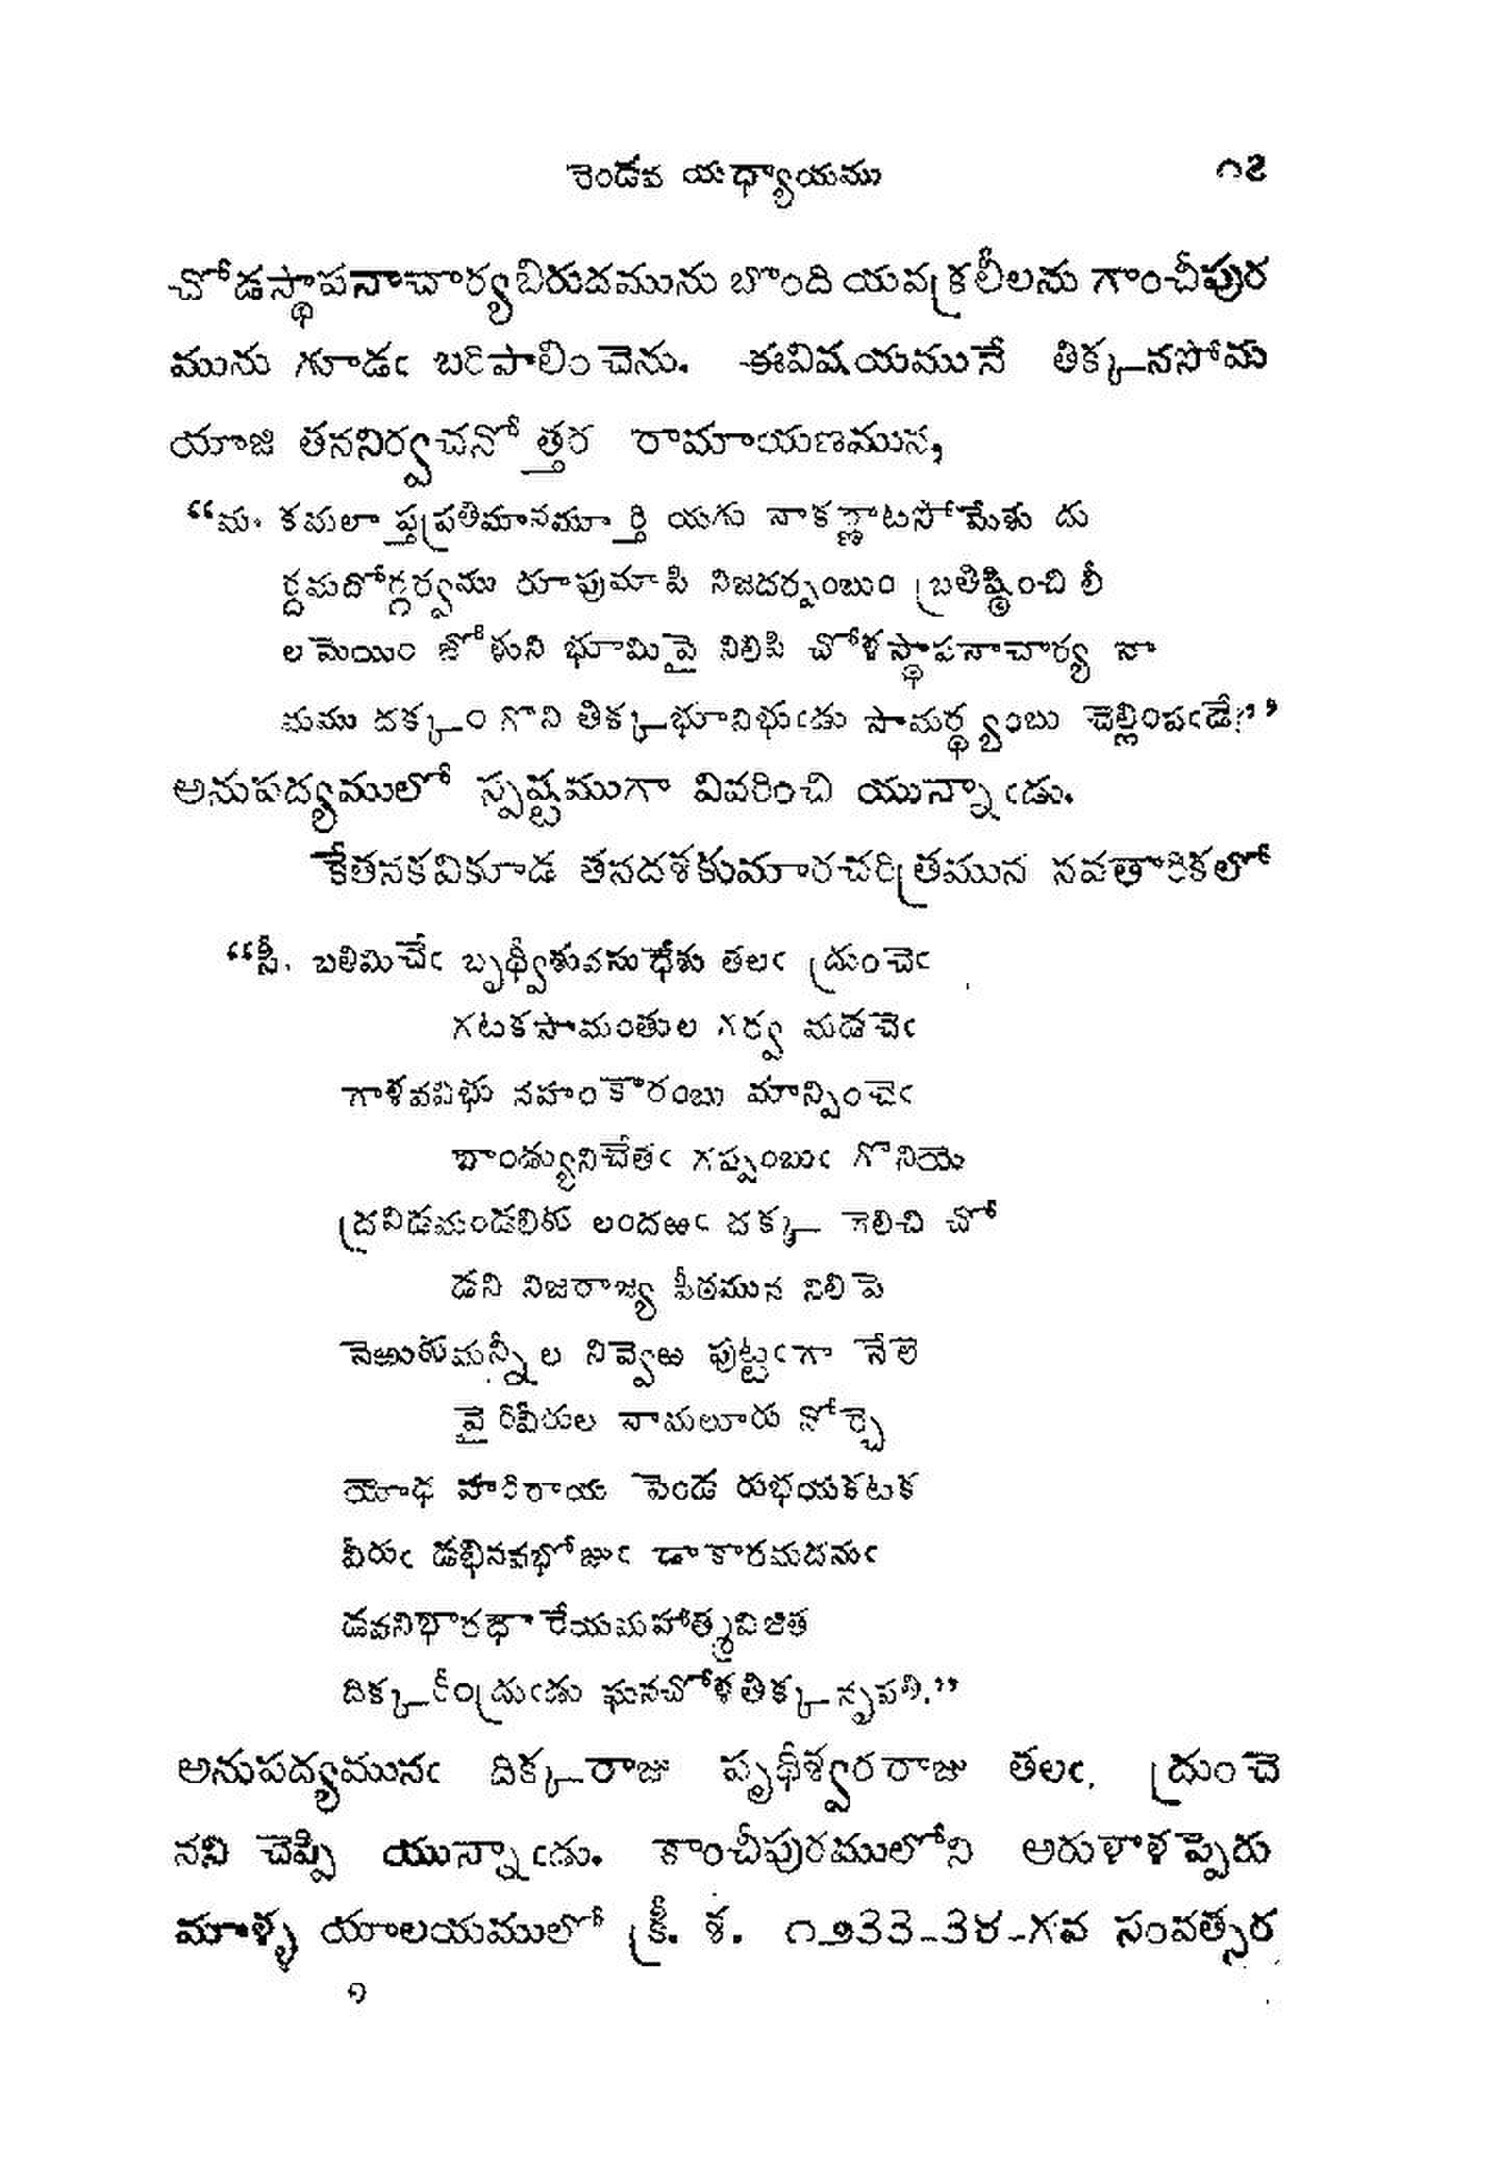చోడస్థాపనాచార్యబిరుదమును బొంది యవక్రలీలను గాంచీపుర
మును గూడఁ బరిపాలించెను. ఈవిషయమునే తిక్కనసోమ
యాజి తననిర్వచనోత్తర రామాయణముస, 

“మ. కమలాప్తప్రతిమానమూర్తి యగు నాకర్ణాటసోమేశు దు 
 ర్దమదోర్గర్వము రూపుమాపి నిజదర్పంబుం బ్రతిష్ఠించి లీ 
 లమెయిం జోళుని భూమిపై నిలిపి చోళస్థాపనాచార్య నా
 మము దక్కంగొని తిక్కభూవిభుఁడు సామర్థ్యంబు చెల్లింపఁడే?" 
అనుషద్యములో స్పష్టముగా వివరించి యున్నాఁడు.

కేతనకవికూడ తనదశకుమారచరిత్రమున సవతారికలో 

"సీ. బలిమిచేఁ బృథ్వీశువసుధేశు తలఁ ద్రుంచెఁ
 గటకసామంతుల గర్వ మడచెఁ 
 గాళవవిభు నహంకారంబు మాన్పించెఁ
 బాండ్యునిచేతఁ గప్పంబుఁ గొనియె 
 ద్రవిడమండలికు లందఱఁ చక్క గెలిచి చో
 డని నిజరాజ్య పీఠమున నిలిపె 
 వెఱుకుమన్నీల నివ్వెఱ పుట్టఁగా నేలె
 వైరివీరుల నామలూరు నోర్చె 
 యోధ హరిరాయ పెండ రుభయకటక 
 వీరుఁ డభినవభోజుఁ డాకారమదనుఁ 
 డవనిభారధౌరేయమహాత్మవిజిత
 దిక్కరీంద్రుఁడు ఘనచోళతిక్కనృపతి." 
అనుపద్యమునఁ దిక్కరాజు పృథీశ్వరరాజు తలఁ ద్రుంచె 
నని చెప్పి యున్నాఁడు. కాంచీపురములోని అరుళాళప్పెరు
మాళ్ళ యాలయములో క్రీ. శ. 1233-34-గవ సంవత్సర